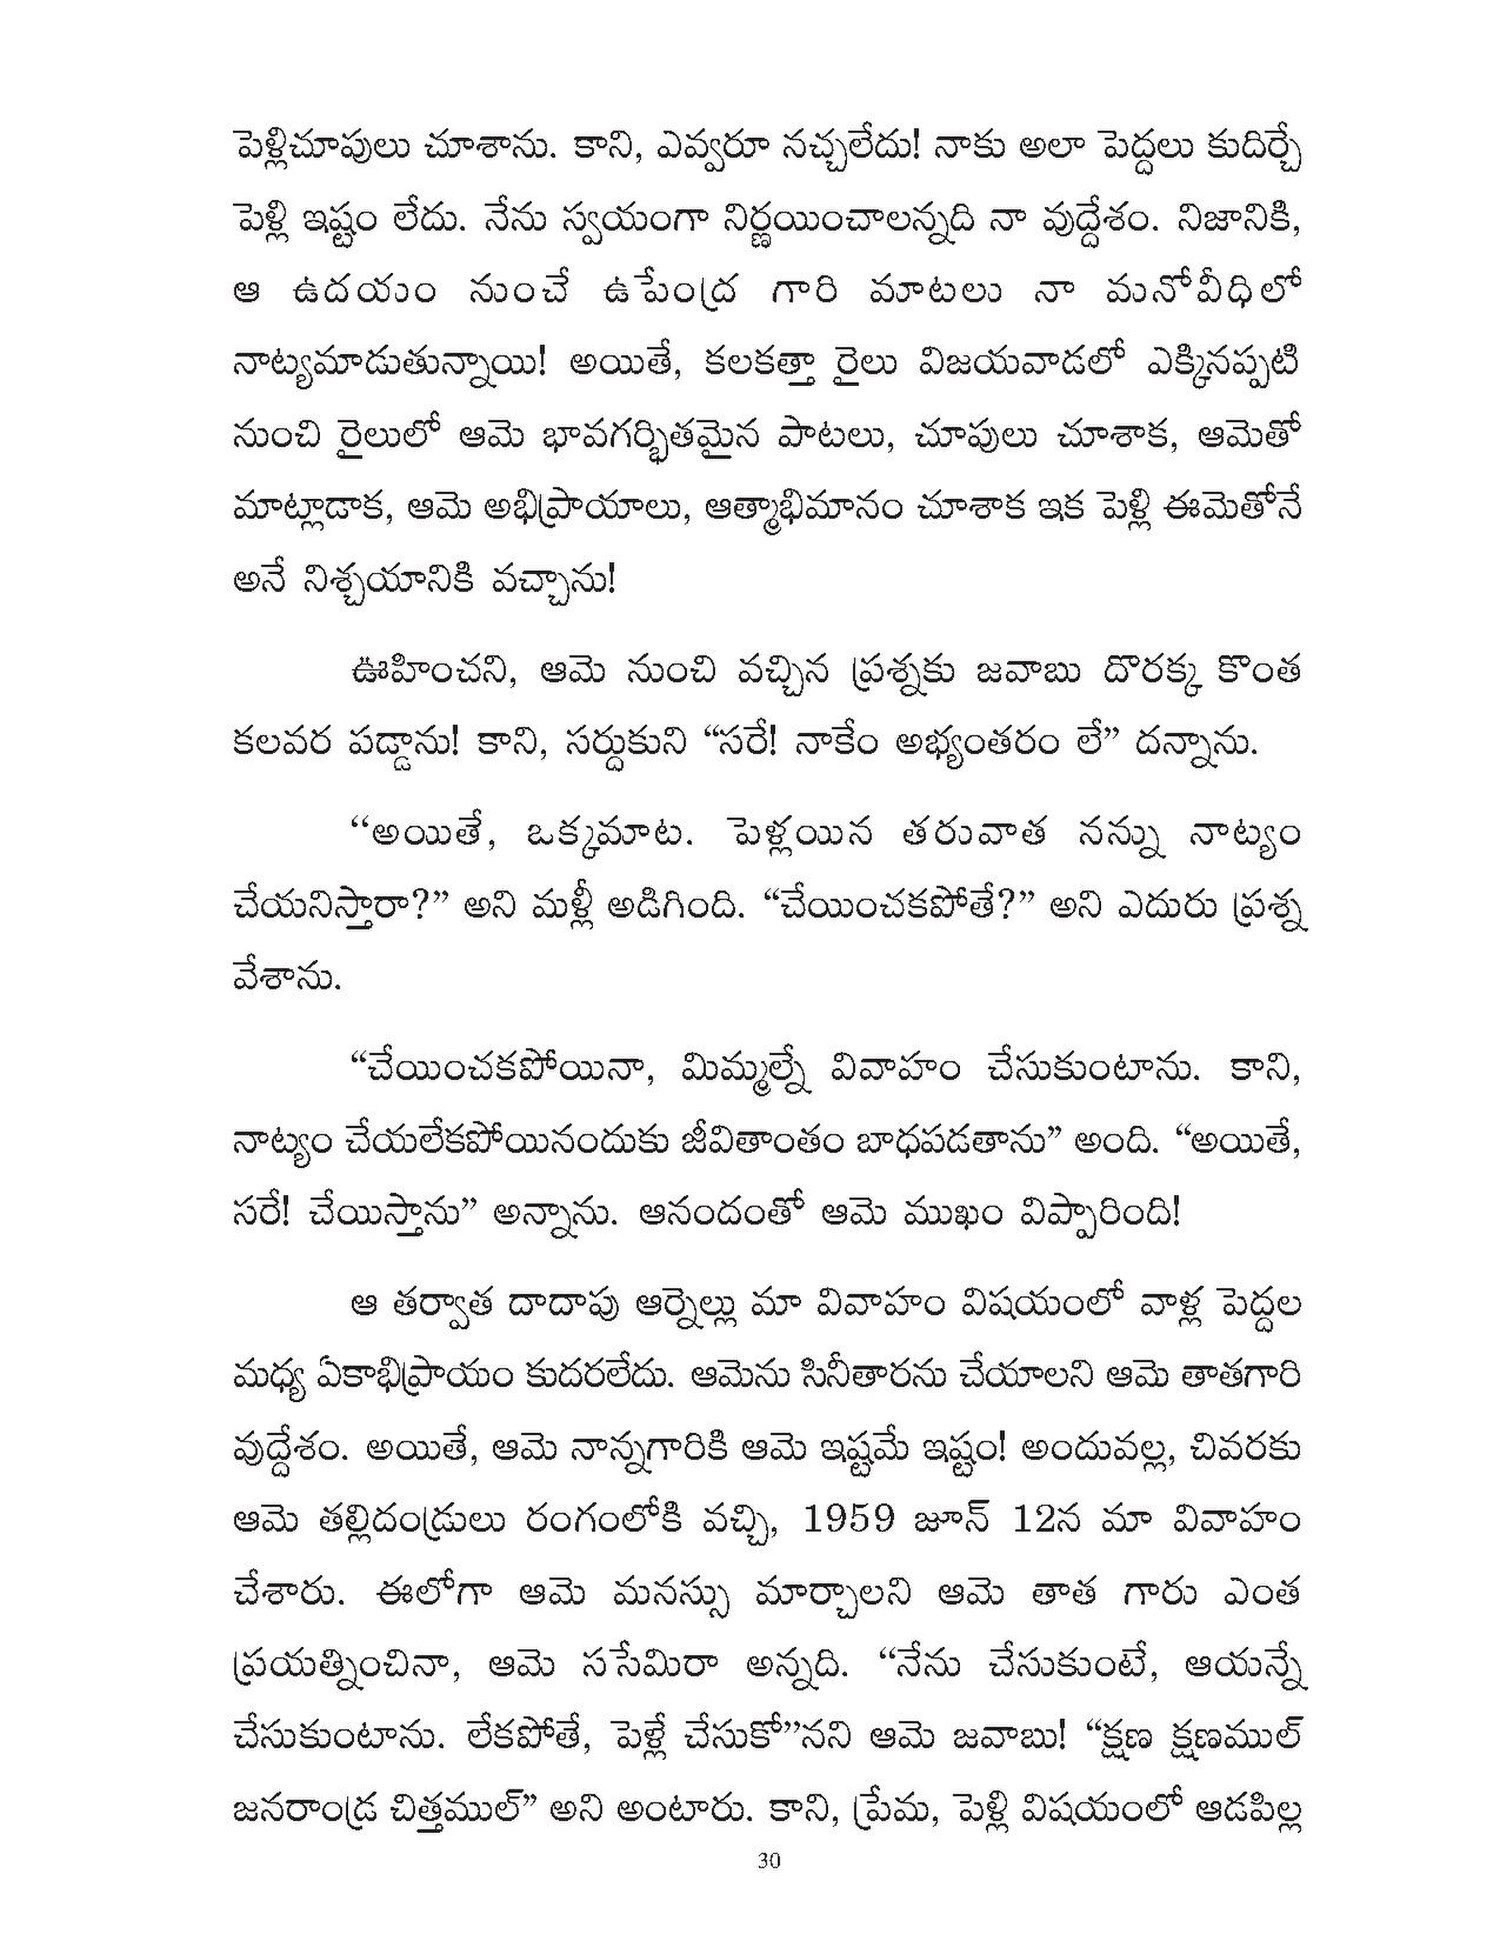పెళ్లిచూపులు చూశాను. కాని, ఎవ్వరూ నచ్చలేదు! నాకు అలా పెద్దలు కుదిర్చే
పెళ్లి ఇష్టం లేదు. నేను స్వయంగా నిర్ణయించాలన్నది నా వుద్దేశం. నిజానికి,
ఆ ఉదయం నుంచే ఉపేంద్ర గారి మాటలు నా మనోవీధిలో
నాట్యమాడుతున్నాయి! అయితే, కలకత్తా రైలు విజయవాడలో ఎక్కినప్పటి
నుంచి రైలులో ఆమె భావగర్భితమైన పాటలు, చూపులు చూశాక, ఆమెతో
మాట్లాడాక, ఆమె అభిప్రాయాలు, ఆత్మాభిమానం చూశాక ఇక పెళ్లి ఈమెతోనే
అనే నిశ్చయానికి వచ్చాను!

ఊహించని, ఆమె నుంచి వచ్చిన ప్రశ్నకు జవాబు దొరక్క కొంత
కలవర పడ్డాను! కాని, సర్దుకుని "సరే! నాకేం అభ్యంతరం లే" దన్నాను.

"అయితే, ఒక్కమాట. పెళ్లయిన తరువాత నన్ను నాట్యం
చేయనిస్తారా?" అని మళ్లీ అడిగింది. "చేయించకపోతే?" అని ఎదురు ప్రశ్న
వేశాను.

"చేయించకపోయినా, మిమ్మల్నే వివాహం చేసుకుంటాను. కాని,
నాట్యం చేయలేకపోయినందుకు జీవితాంతం బాధపడతాను" అంది. "అయితే,
సరే! చేయిస్తాను" అన్నాను. ఆనందంతో ఆమె ముఖం విప్పారింది!

ఆ తర్వాత దాదాపు ఆర్నెల్లు మా వివాహం విషయంలో వాళ్ల పెద్దల
మధ్య ఏకాభిప్రాయం కుదరలేదు. ఆమెను సినీతారను చేయాలని ఆమె తాతగారి
వుద్దేశం. అయితే, ఆమె నాన్నగారికి ఆమె ఇష్టమే ఇష్టం! అందువల్ల, చివరకు
ఆమె తల్లిదండ్రులు రంగంలోకి వచ్చి, 1959 జూన్‌ 12న మా వివాహం
చేశారు. ఈలోగా ఆమె మనస్సు మార్చాలని ఆమె తాత గారు ఎంత
ప్రయత్నించినా, ఆమె ససేమిరా అన్నది. "నేను చేసుకుంటే, ఆయన్నే
చేసుకుంటాను. లేకపోతే, పెళ్లే చేసుకో"నని ఆమె జవాబు! "క్షణ క్షణముల్‌
జనరాండ్ర చిత్తముల్‌" అని అంటారు. కాని, ప్రేమ, పెళ్లి విషయంలో ఆడపిల్ల